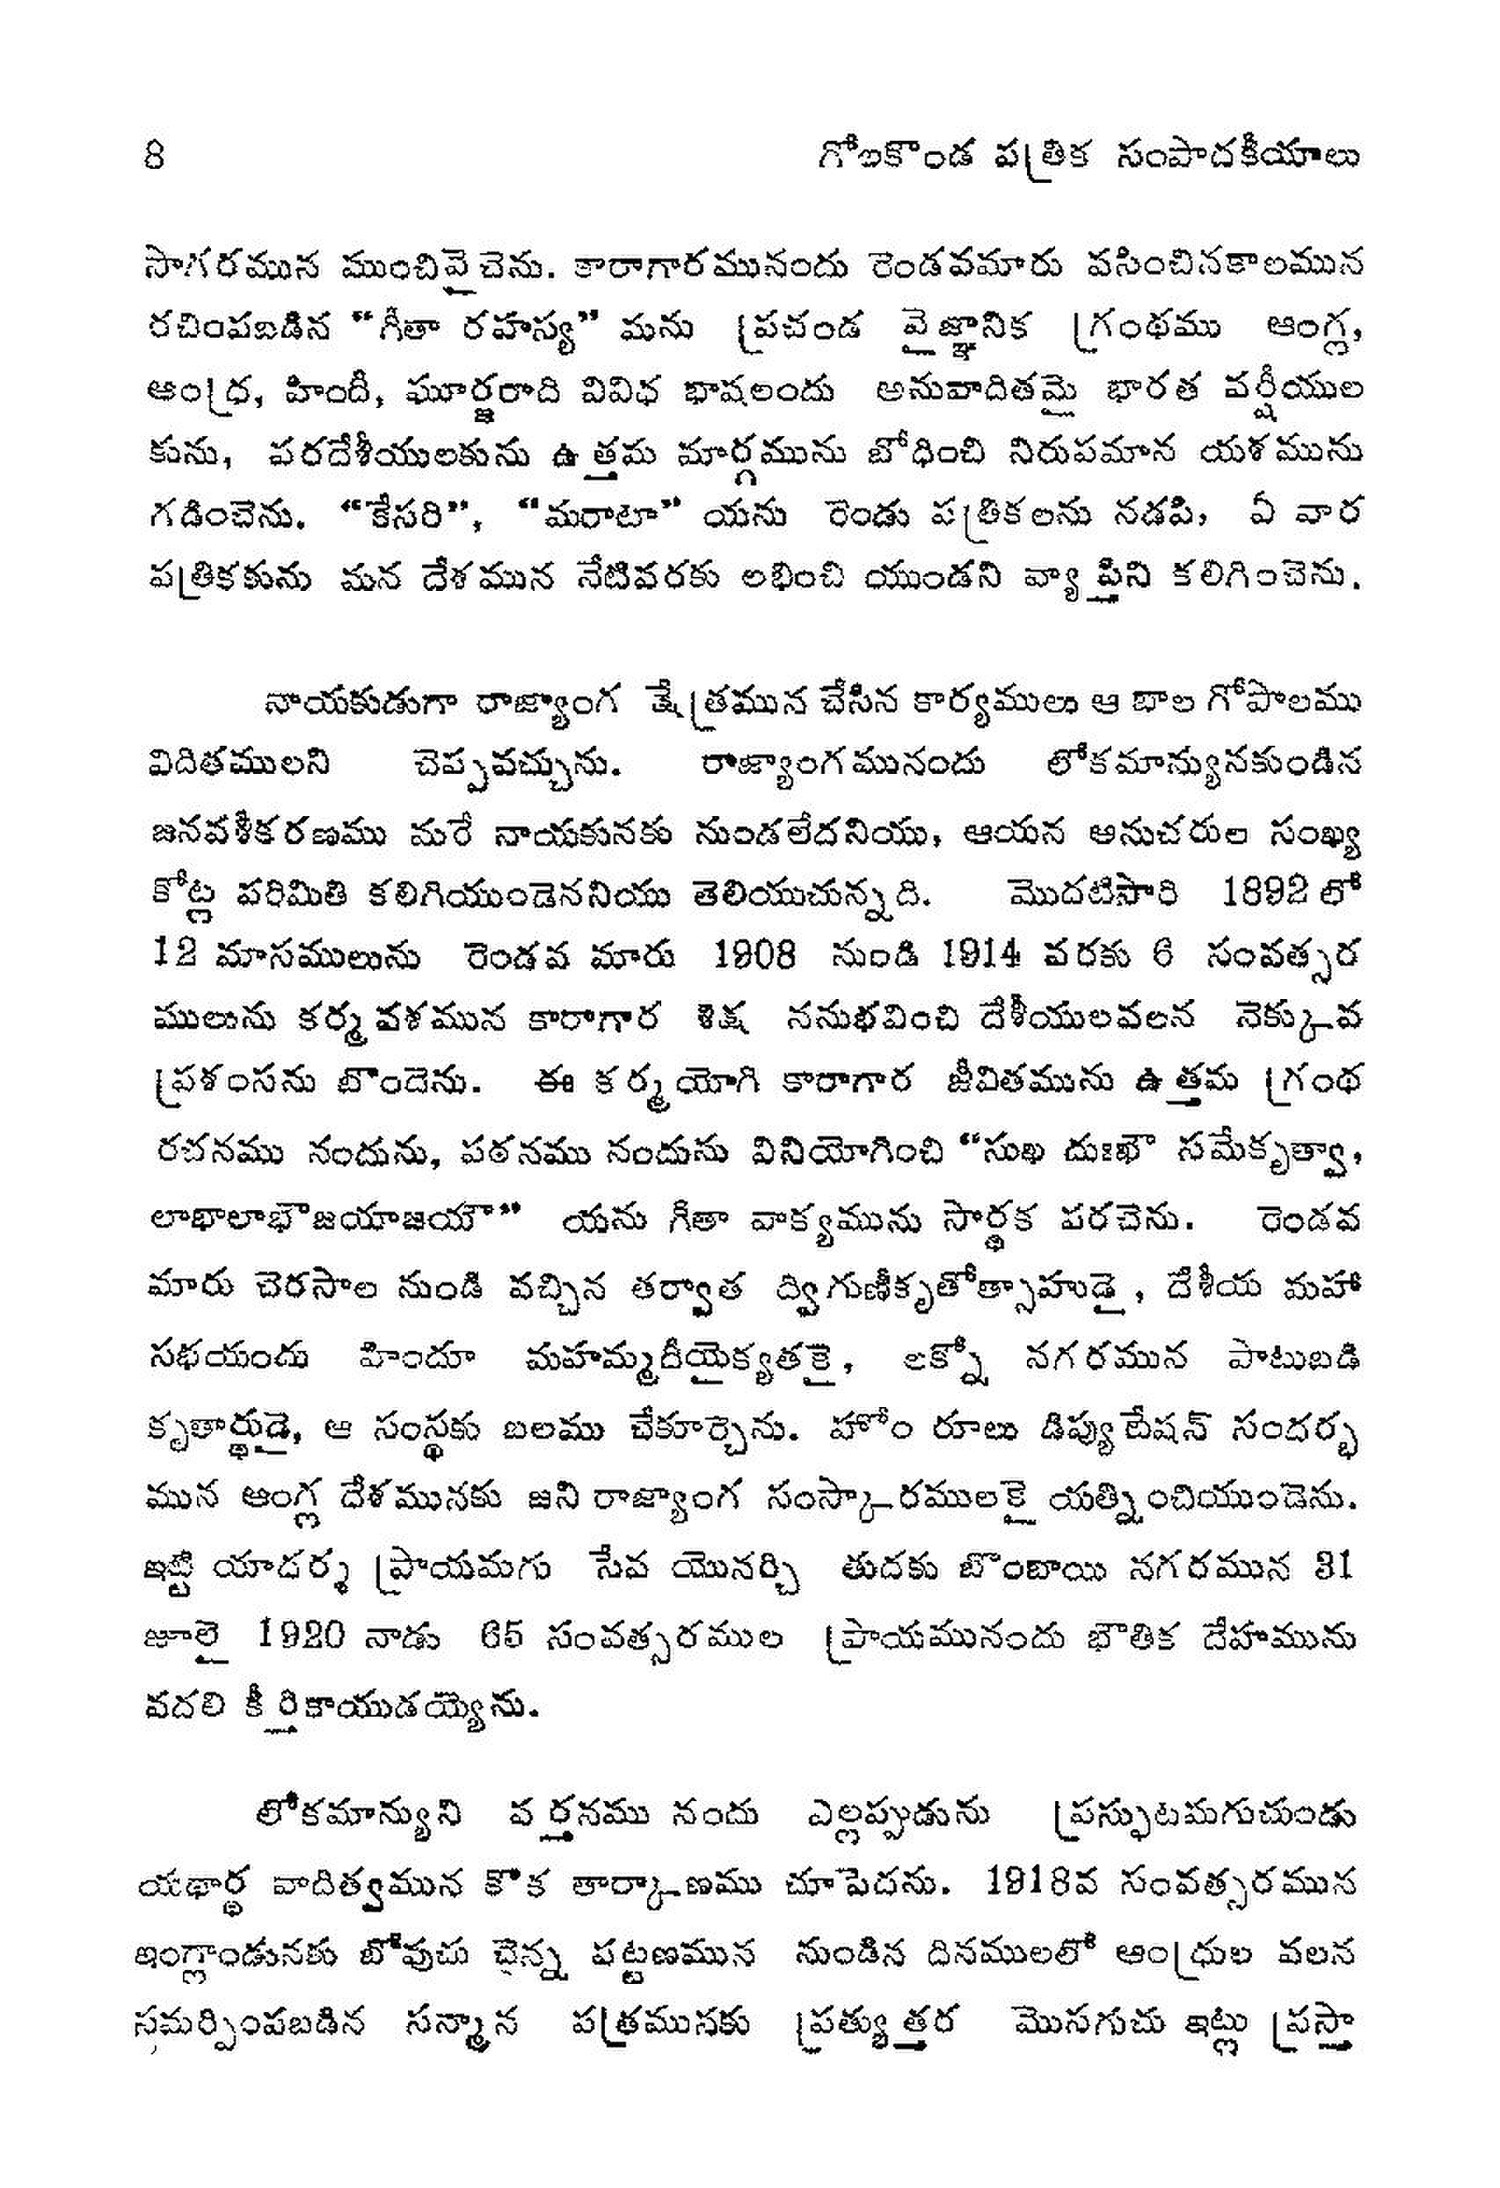సాగరమున ముంచివైచెను. కారాగారమునందు రెండవమారు వసించినకాలమున రచింపబడిన "గీతా రహస్య" మను ప్రచండ వైజ్ఞానిక గ్రంథము ఆంగ్ల, ఆంధ్ర, హిందీ, ఘూర్జరాది వివిధ భాషలందు అనువాదితమై భారత వర్షీయులకును, పరదేశీయులకును ఉత్తమ మార్గమును బోధించి నిరుపమాన యశమును గడించెను. “కేసరి”, “మరాటా" యను రెండు పత్రికలను నడపి, ఏ వారపత్రికకును మన దేశమున నేటివరకు లభించి యుండని వ్యాప్తిని కలిగించెను.

నాయకుడుగా రాజ్యాంగ క్షేత్రమున చేసిన కార్యములు ఆ బాల గోపాలము విదితములని చెప్పవచ్చును. రాజ్యాంగమునందు లోకమాన్యునకుండిన జనవశీకరణము మరే నాయకునకు నుండలేదనియు, ఆయన అనుచరుల సంఖ్య కోట్ల పరిమితి కలిగియుండెననియు తెలియుచున్నది. మొదటిసారి 1892 లో 12 మాసములును రెండవ మారు 1908 నుండి 1914 వరకు 6 సంవత్సరములును కర్మవశమున కారాగార శిక్ష ననుభవించి దేశీయులవలన నెక్కువ ప్రశంసను బొందెను. ఈ కర్మయోగి కారాగార జీవితమును ఉత్తమ గ్రంథరచనము నందును, పఠనము నందును వినియోగించి "సుఖ దుఃఖా సమేకృత్వా, లాభాలాభౌజయాజయౌ" యను గీతా వాక్యమును సార్థక పరచెను. రెండవమారు చెరసాల నుండి వచ్చిన తర్వాత ద్విగుణీకృతోత్సాహుడై, దేశీయ మహాసభయందు హిందూ మహమ్మదీయైక్యతకై, లక్నో నగరమున పాటుబడి కృతార్థుడై, ఆ సంస్థకు బలము చేకూర్చెను. హోం రూలు డిప్యుటేషన్ సందర్భమున ఆంగ్ల దేశమునకు జని రాజ్యాంగ సంస్కారములకై యత్నించియుండెను. ఇట్టి యాదర్శ ప్రాయమగు సేవ యొనర్చి తుదకు బొంబాయి నగరమున 31 జూలై 1920 నాడు 65 సంవత్సరముల ప్రాయమునందు భౌతిక దేహమును వదలి కీర్తికాయుడయ్యెను.

లోకమాన్యుని వర్తనము నందు ఎల్లప్పుడును ప్రస్ఫుటమగుచుండు యథార్థ వాదిత్వమున కొక తార్కాణము చూపెదను. 1918వ సంవత్సరమున ఇంగ్లాండునకు బోవుచు చైన్న పట్టణమున నుండిన దినములలో ఆంధ్రుల వలన సమర్పింపబడిన సన్మాన పత్రమునకు ప్రత్యుత్తర మొసగుచు ఇట్లు ప్రస్తా